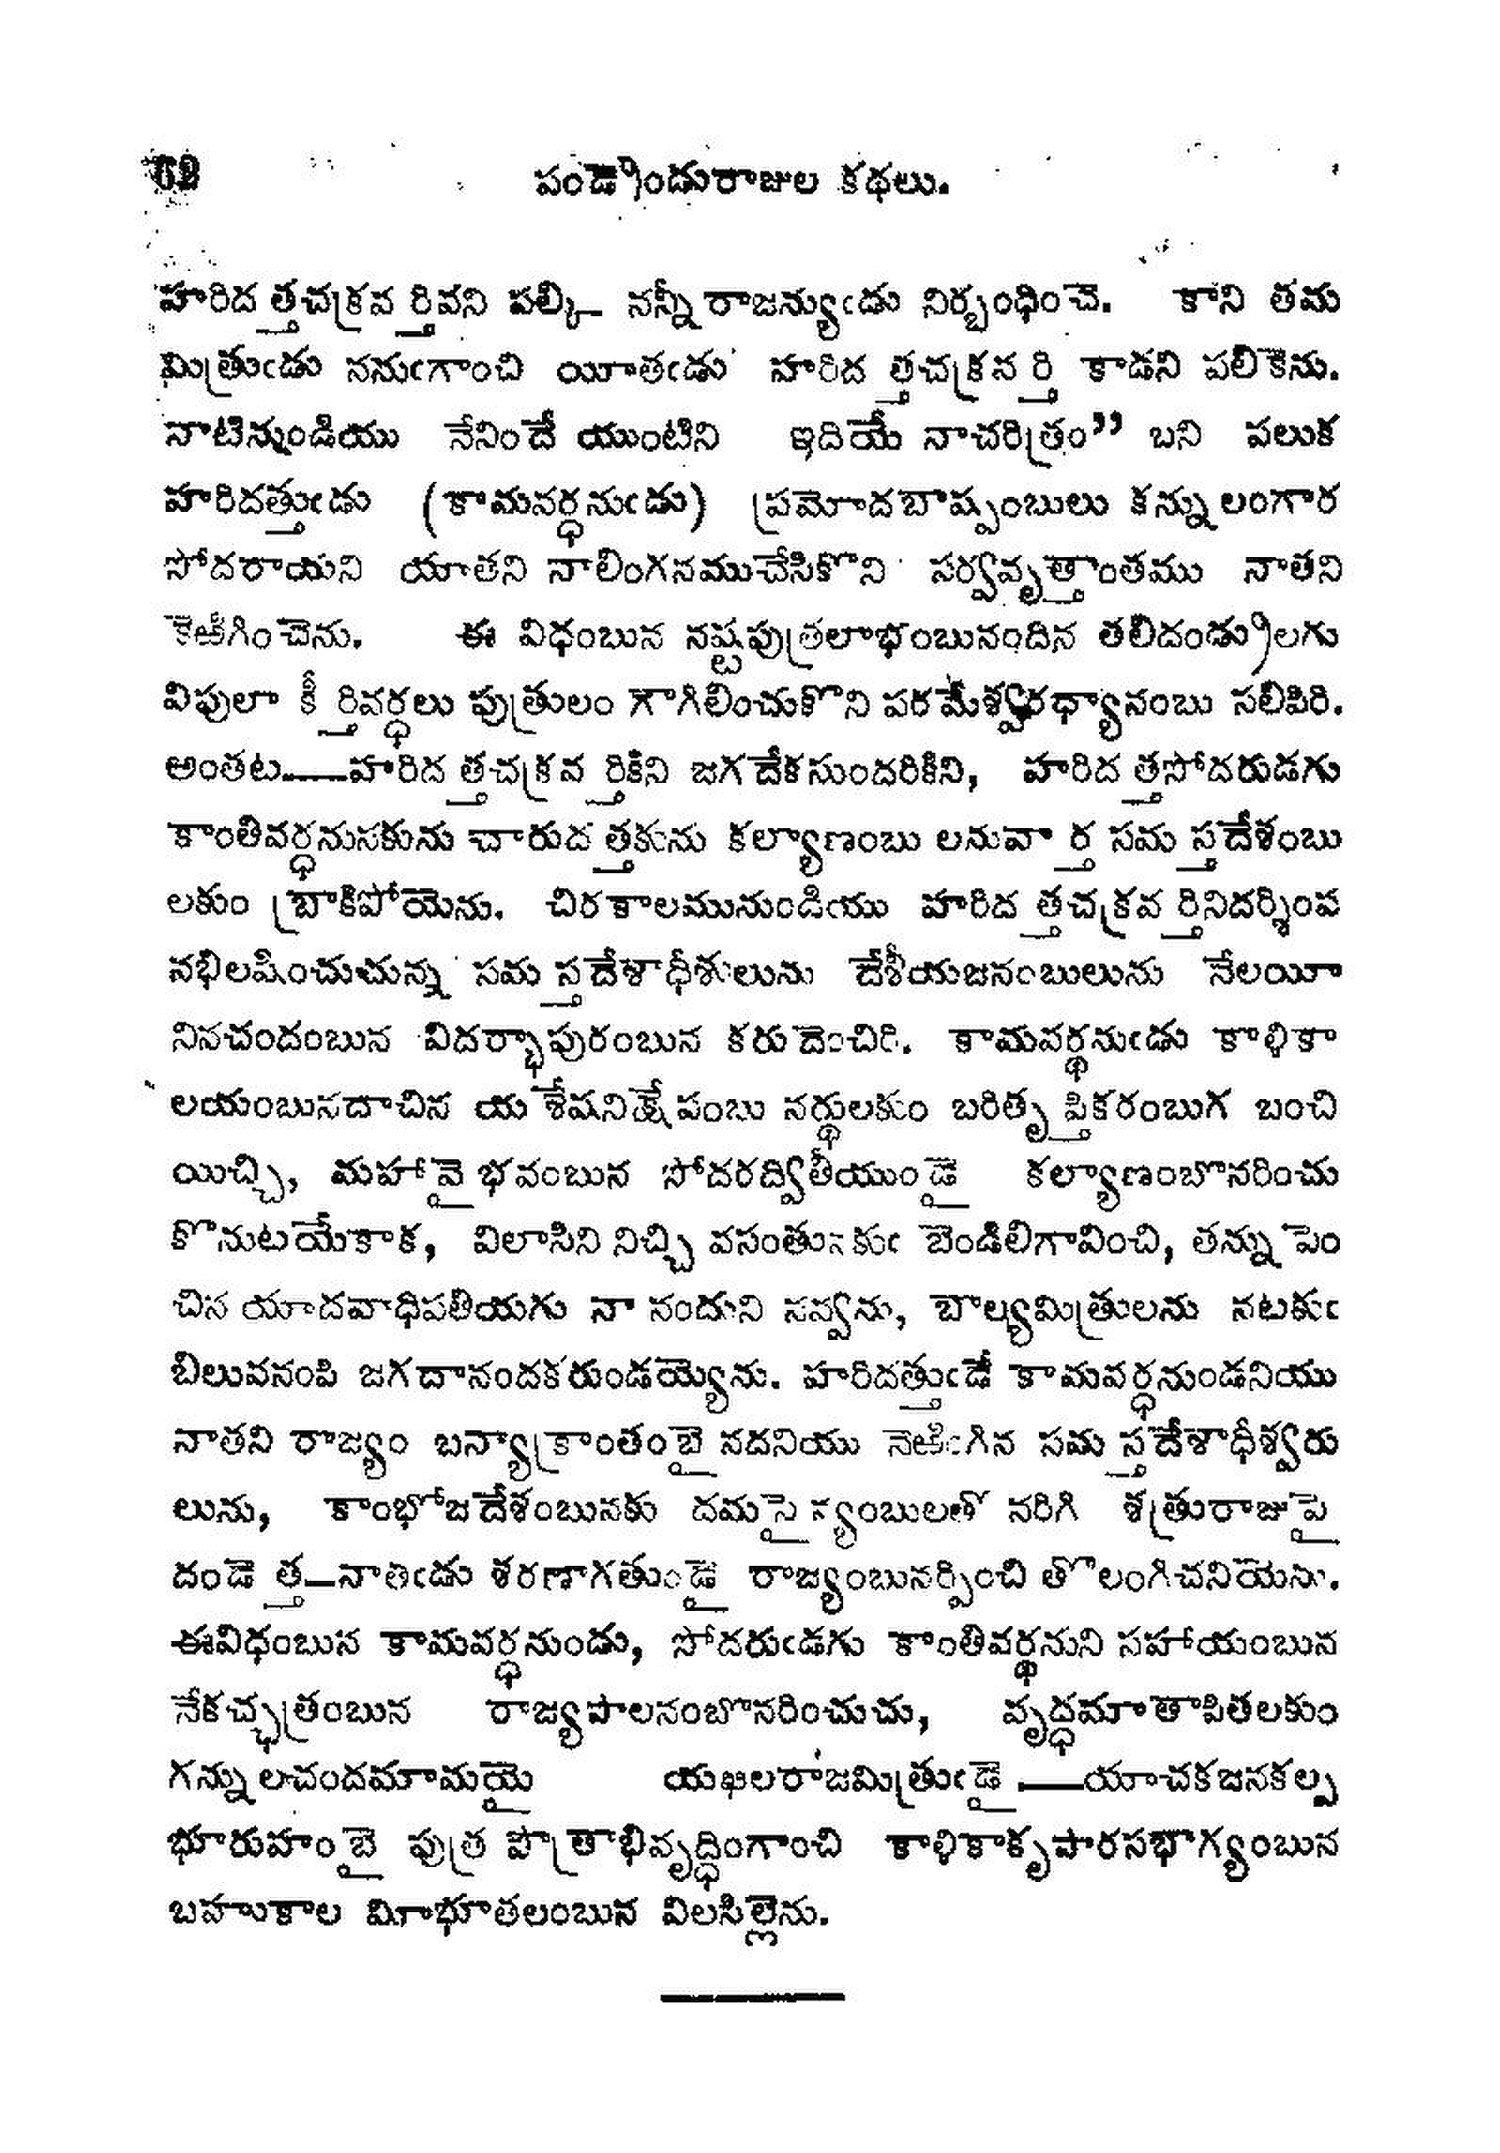హరిదత్తచక్రవర్తివని పల్కి నన్నీ రాజన్యుఁడు నిర్బంధించె. కాని తమ మిత్రుఁడు ననుఁగాంచి యీతఁడు హరిదత్తచక్రవర్తి కాడని పలికెను. నాటినుండియు నేనిందే యుంటిని ఇదియే నాచరిత్రం" బని పలుక హరిదత్తుఁడు (కామవర్ధనుఁడు) ప్రమోద బాష్పంబులు కన్ను లంగార సోదరాయని యాతని నాలింగనము చేసికొని సర్వవృత్తాంతము నాతని కెఱిగించెను. ఈ విధంబున నష్టపుత్రలాభంబునందిన తలిదండ్రులగు విపులా కీర్తివర్ధలు పుత్రులం గౌగిలించుకొని పరమేశ్వర ధ్యానంబు సలిపిరి. అంతట——హరిదత్తచక్రవర్తికిని జగదేక సుందరికిని, హరిదత్తసోదరుడగు కాంతివర్ధనునకును చారుదత్తకును కల్యాణంబులనువార్త సమస్తదేశంబులకుం బ్రాకిపోయెను. చిరకాలమునుండియు హరిదత్తచక్రవర్తిని దర్శింప నభిలషించుచున్న సమస్తదేశాధీశులును దేశీయజనంబులును నేలయీనిన చందంబున విదర్భాపురంబున కరుదెంచిరి? కామవర్ధనుఁడు కాళికాలయంబున దాచిన యశేషనిక్షేపంబు నర్థులకుం బరితృప్తికరంబుగ బంచి యిచ్చి, మహావైభవంబున సోదర ద్వితీయుండై కల్యాణంబొనరించు కొనుటయేకాక, విలాసిని నిచ్చి వసంతునకుఁ బెండిలిగావించి, తన్ను పెంచిన యాదవాధిపతియగు నా నందుని నవ్వను, బాల్యమిత్రులను నటకుఁ బిలువనంపి జగదానందకరుండయ్యెను. హరిదత్తుఁడే 
కామవర్ధనుండనియు రాజ్యం బన్యాక్రాంతంబైనదనియు నెఱిఁగిన సమస్తదేశాధీశ్వరులును, కాంభోజ దేశంబునకు దమ సైన్యంబులతో నరిగి శత్రురాజు పై దండెత్త—— నాతఁడు శరణాగతుండై రాజ్యంబునర్పించి తొలంగి చనియెను. ఈవిధంబున కామవర్ధనుండు, సోదరుఁడగు కాంతివర్ధనుని సహాయంబుననేకచ్ఛత్రంబున రాజ్యపాలనంబొనరించుచు, వృద్ధమాతాపితలకుం
గన్నులచందమామయై యఖిల రాజమిత్రుఁడై——యాచక జనకల్ప భూరుహం బై పుత్ర పౌత్రాభివ్రుద్ధింగాంచి కాళికాక్రుపారసభాగ్యంబున బహుకాల మీభూతలంబున విలసిల్లెను.